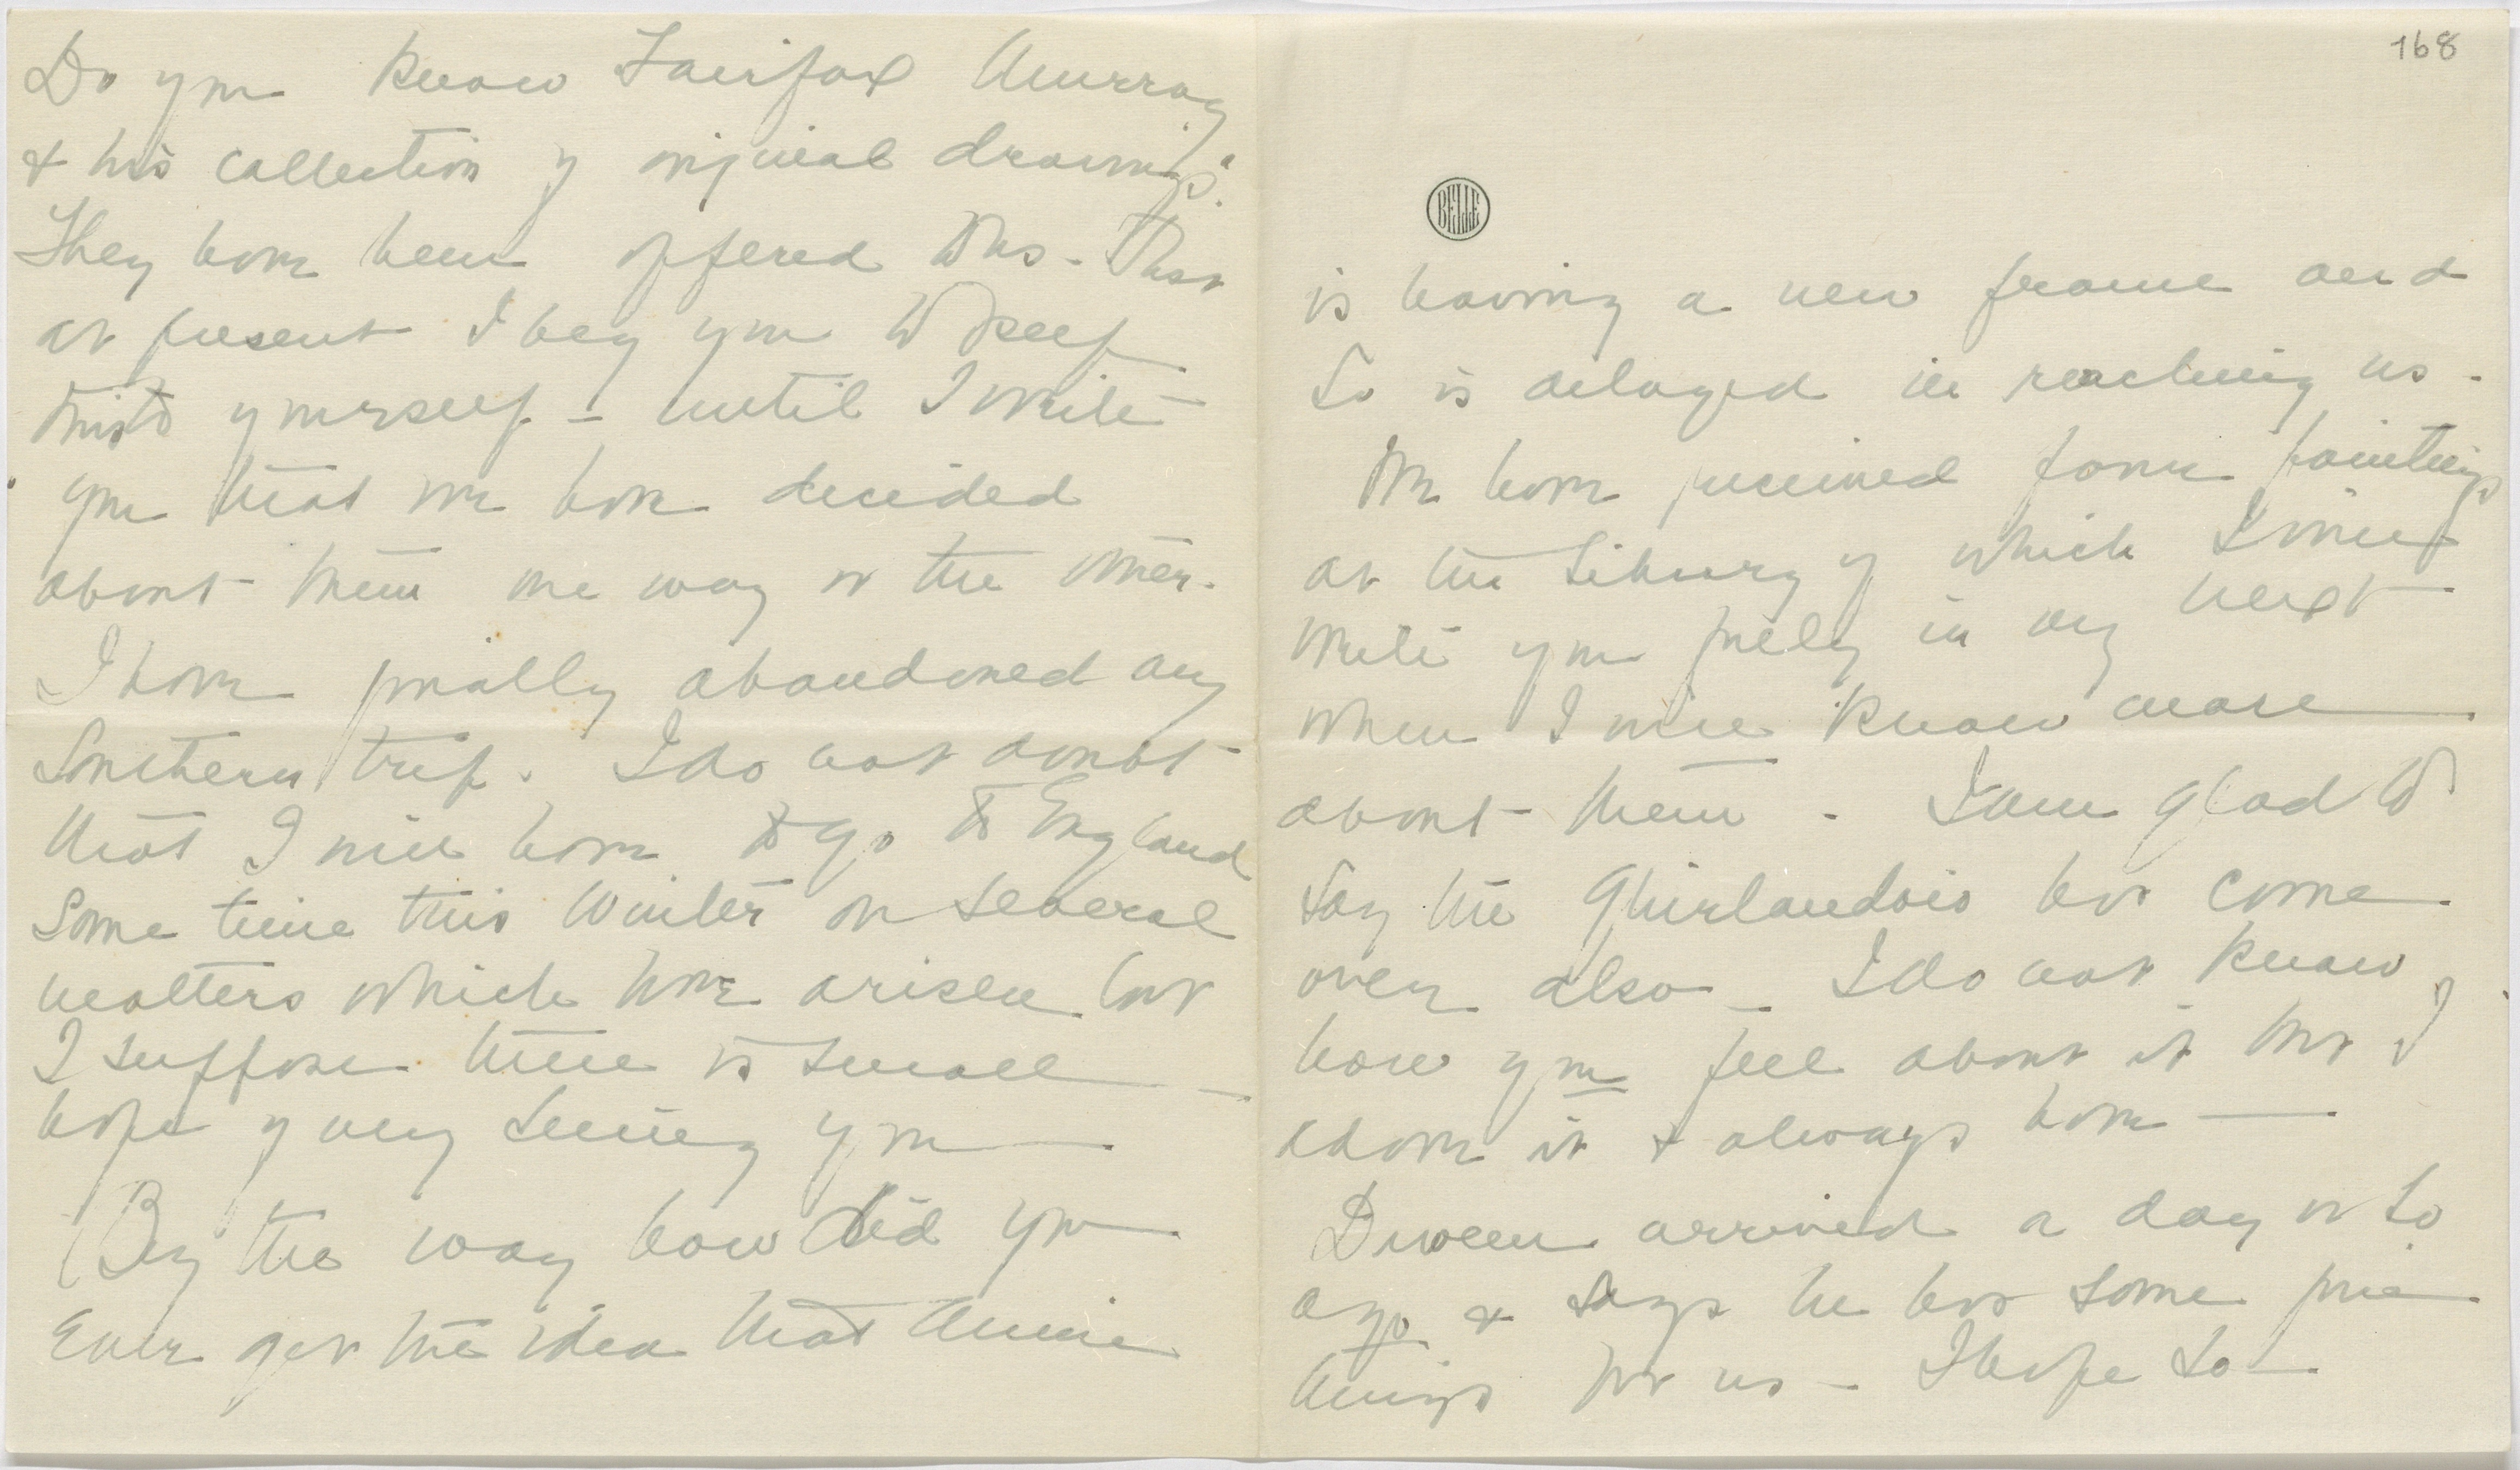is having a new frame and so is delayed in reaching us –
We have received four paintings at the Library of which I will write you fully in my next when I will know more about them – I am glad to say the Ghirlandaio has come over also – I do not know how you feel about it but I adore it & always have –
Duveen arrived a day or so ago & says he has some fine things for us – I hope so –
Do you know Fairfax Murray & his collection of original drawings? They have been offered to us – Just at present I beg you to keep this to yourself – until I write you that we have decided about them one way or the other.
I have finally abandoned my Southern trip. I do not doubt that I will have to go to England some time this winter on several matters which have arisen but I suppose there is small hope of my seeing you –
By the way how did you ever get the idea that Annie